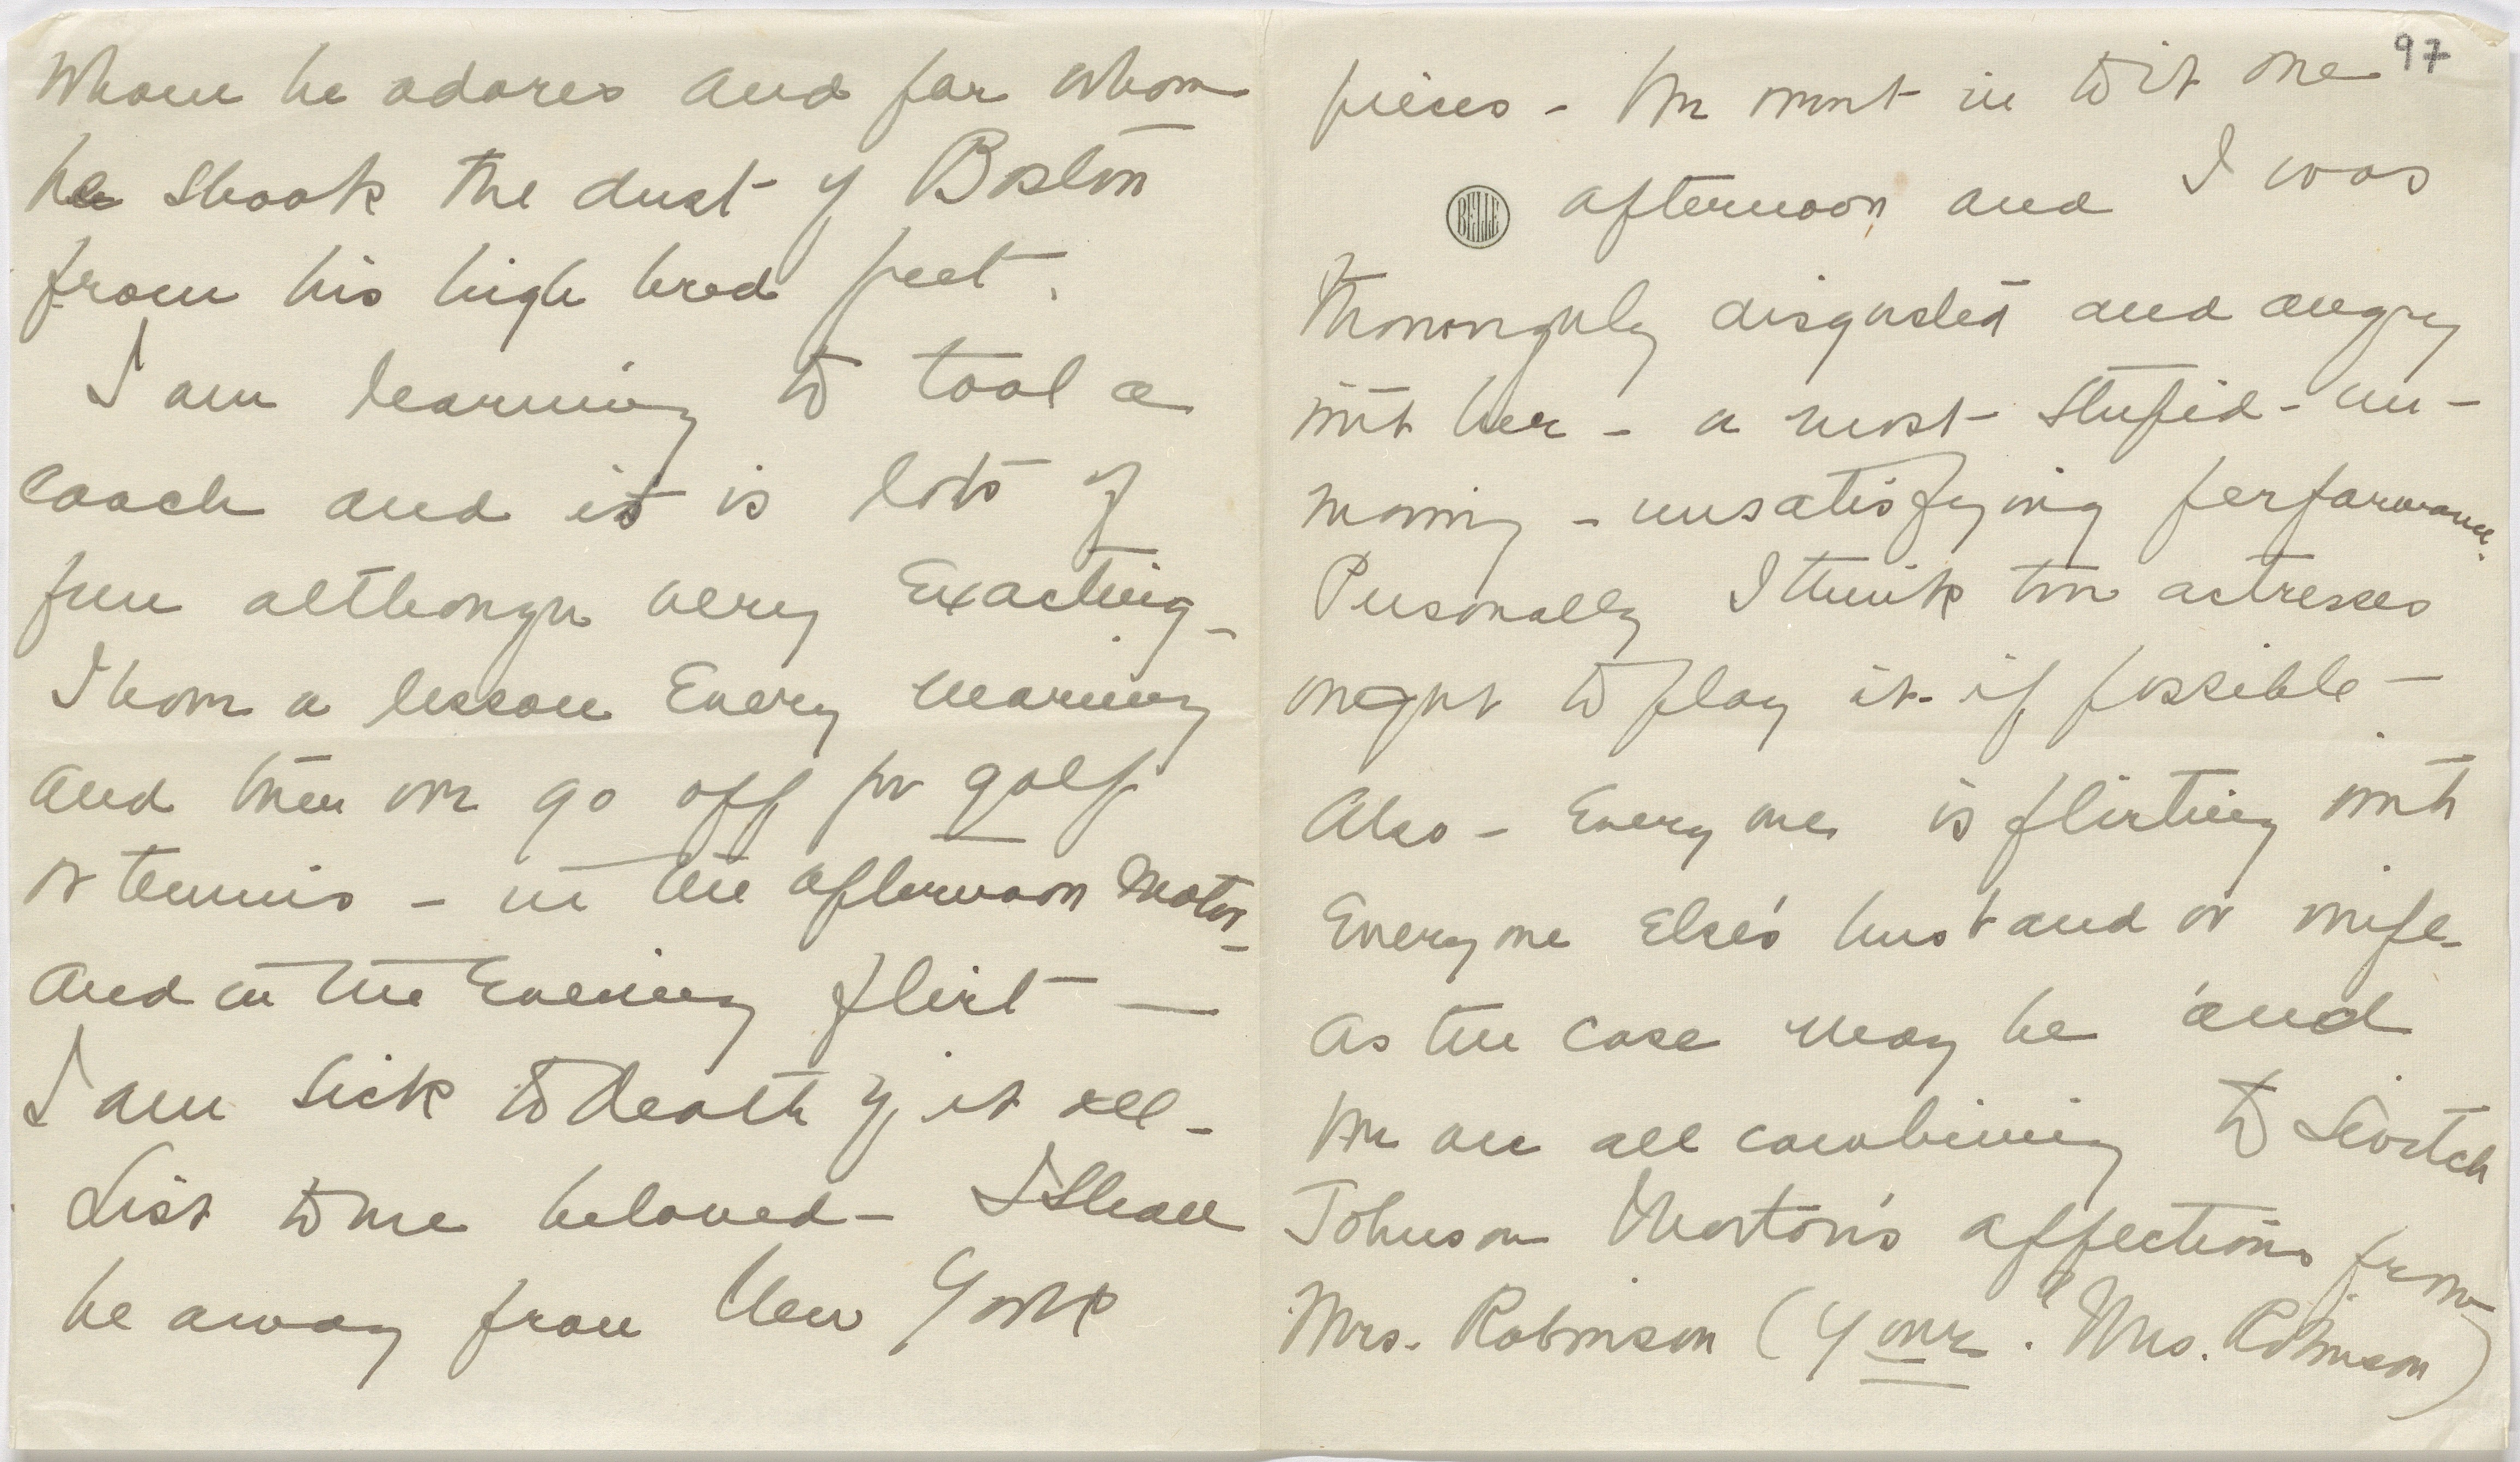pieces – We went in to it one afternoon and I was thoroughly disgusted and angry with her – a most stupid – unmoving – unsatisfying performance. Personally I think the actresses ought to play it if possible – Also – every one is flirting with everyone else’s husband or wife – as the case may be and we are all combining to switch Johnson Morton’s affections from Mrs. Robinson ([double underlined: your]? Mrs. Robinson)
whom he adores and for whom he shook the dust of Boston from his high bred feet.
I am learning to tool a coach and ist is lots of fun although very exacting – I have a lesson every morning and then we go off for golf or tennis – in the afternoon motor – and in the evening flirt – I am sick to death of it all – List to me beloved – I shall be away from New York